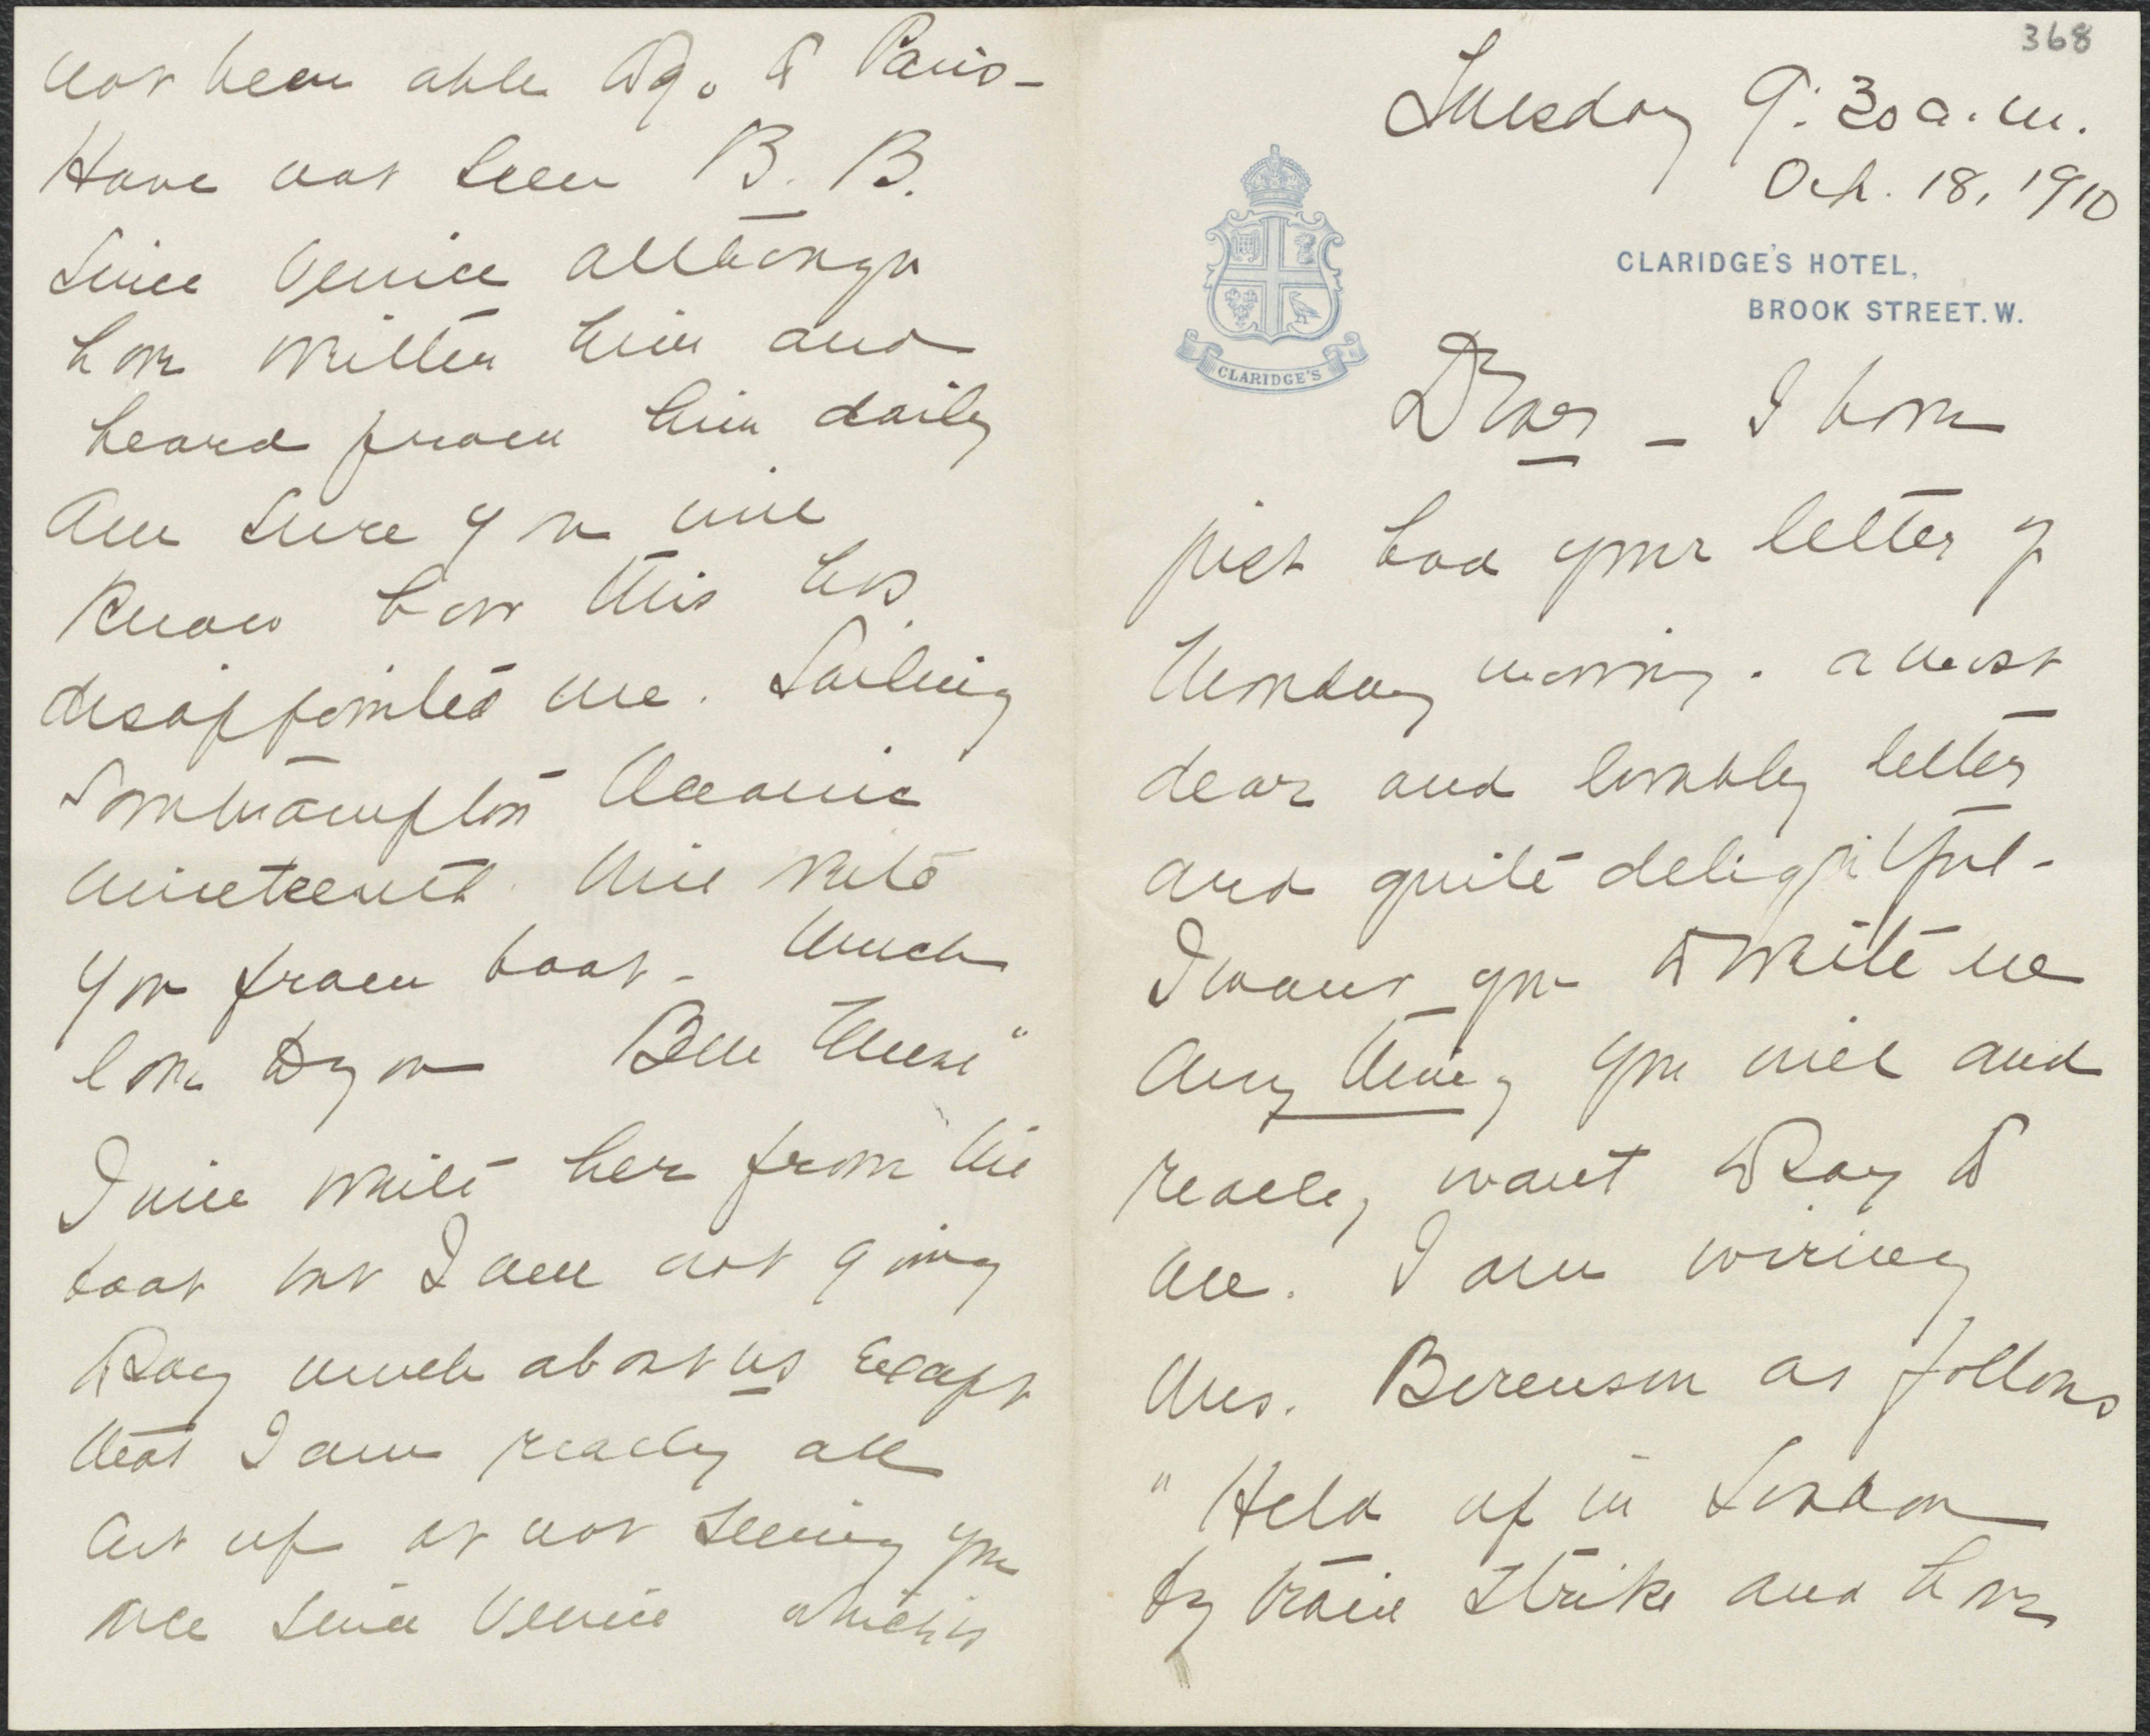Tuesday 9:30 a.m.
Dear – I have just had your letter of Monday morning – a most dear and lovably letter and quite delightful – I want you – to write me any thing you will and really want to say to me. I am wiring Mrs. Berenson as follows “Held up in London by train strike and have
not been able to go to Paris – Have not seen B. B. since Venice although have written him and heard from him daily Am sure you will know how this has disappointed me. Sailing Southampton Oceanic nineteenth Will write you from boat – Much love to you Belle Greene” I will write her from the boat but I am not going to say much about us except that I am really all cut up at not seeing you once since Venice which is